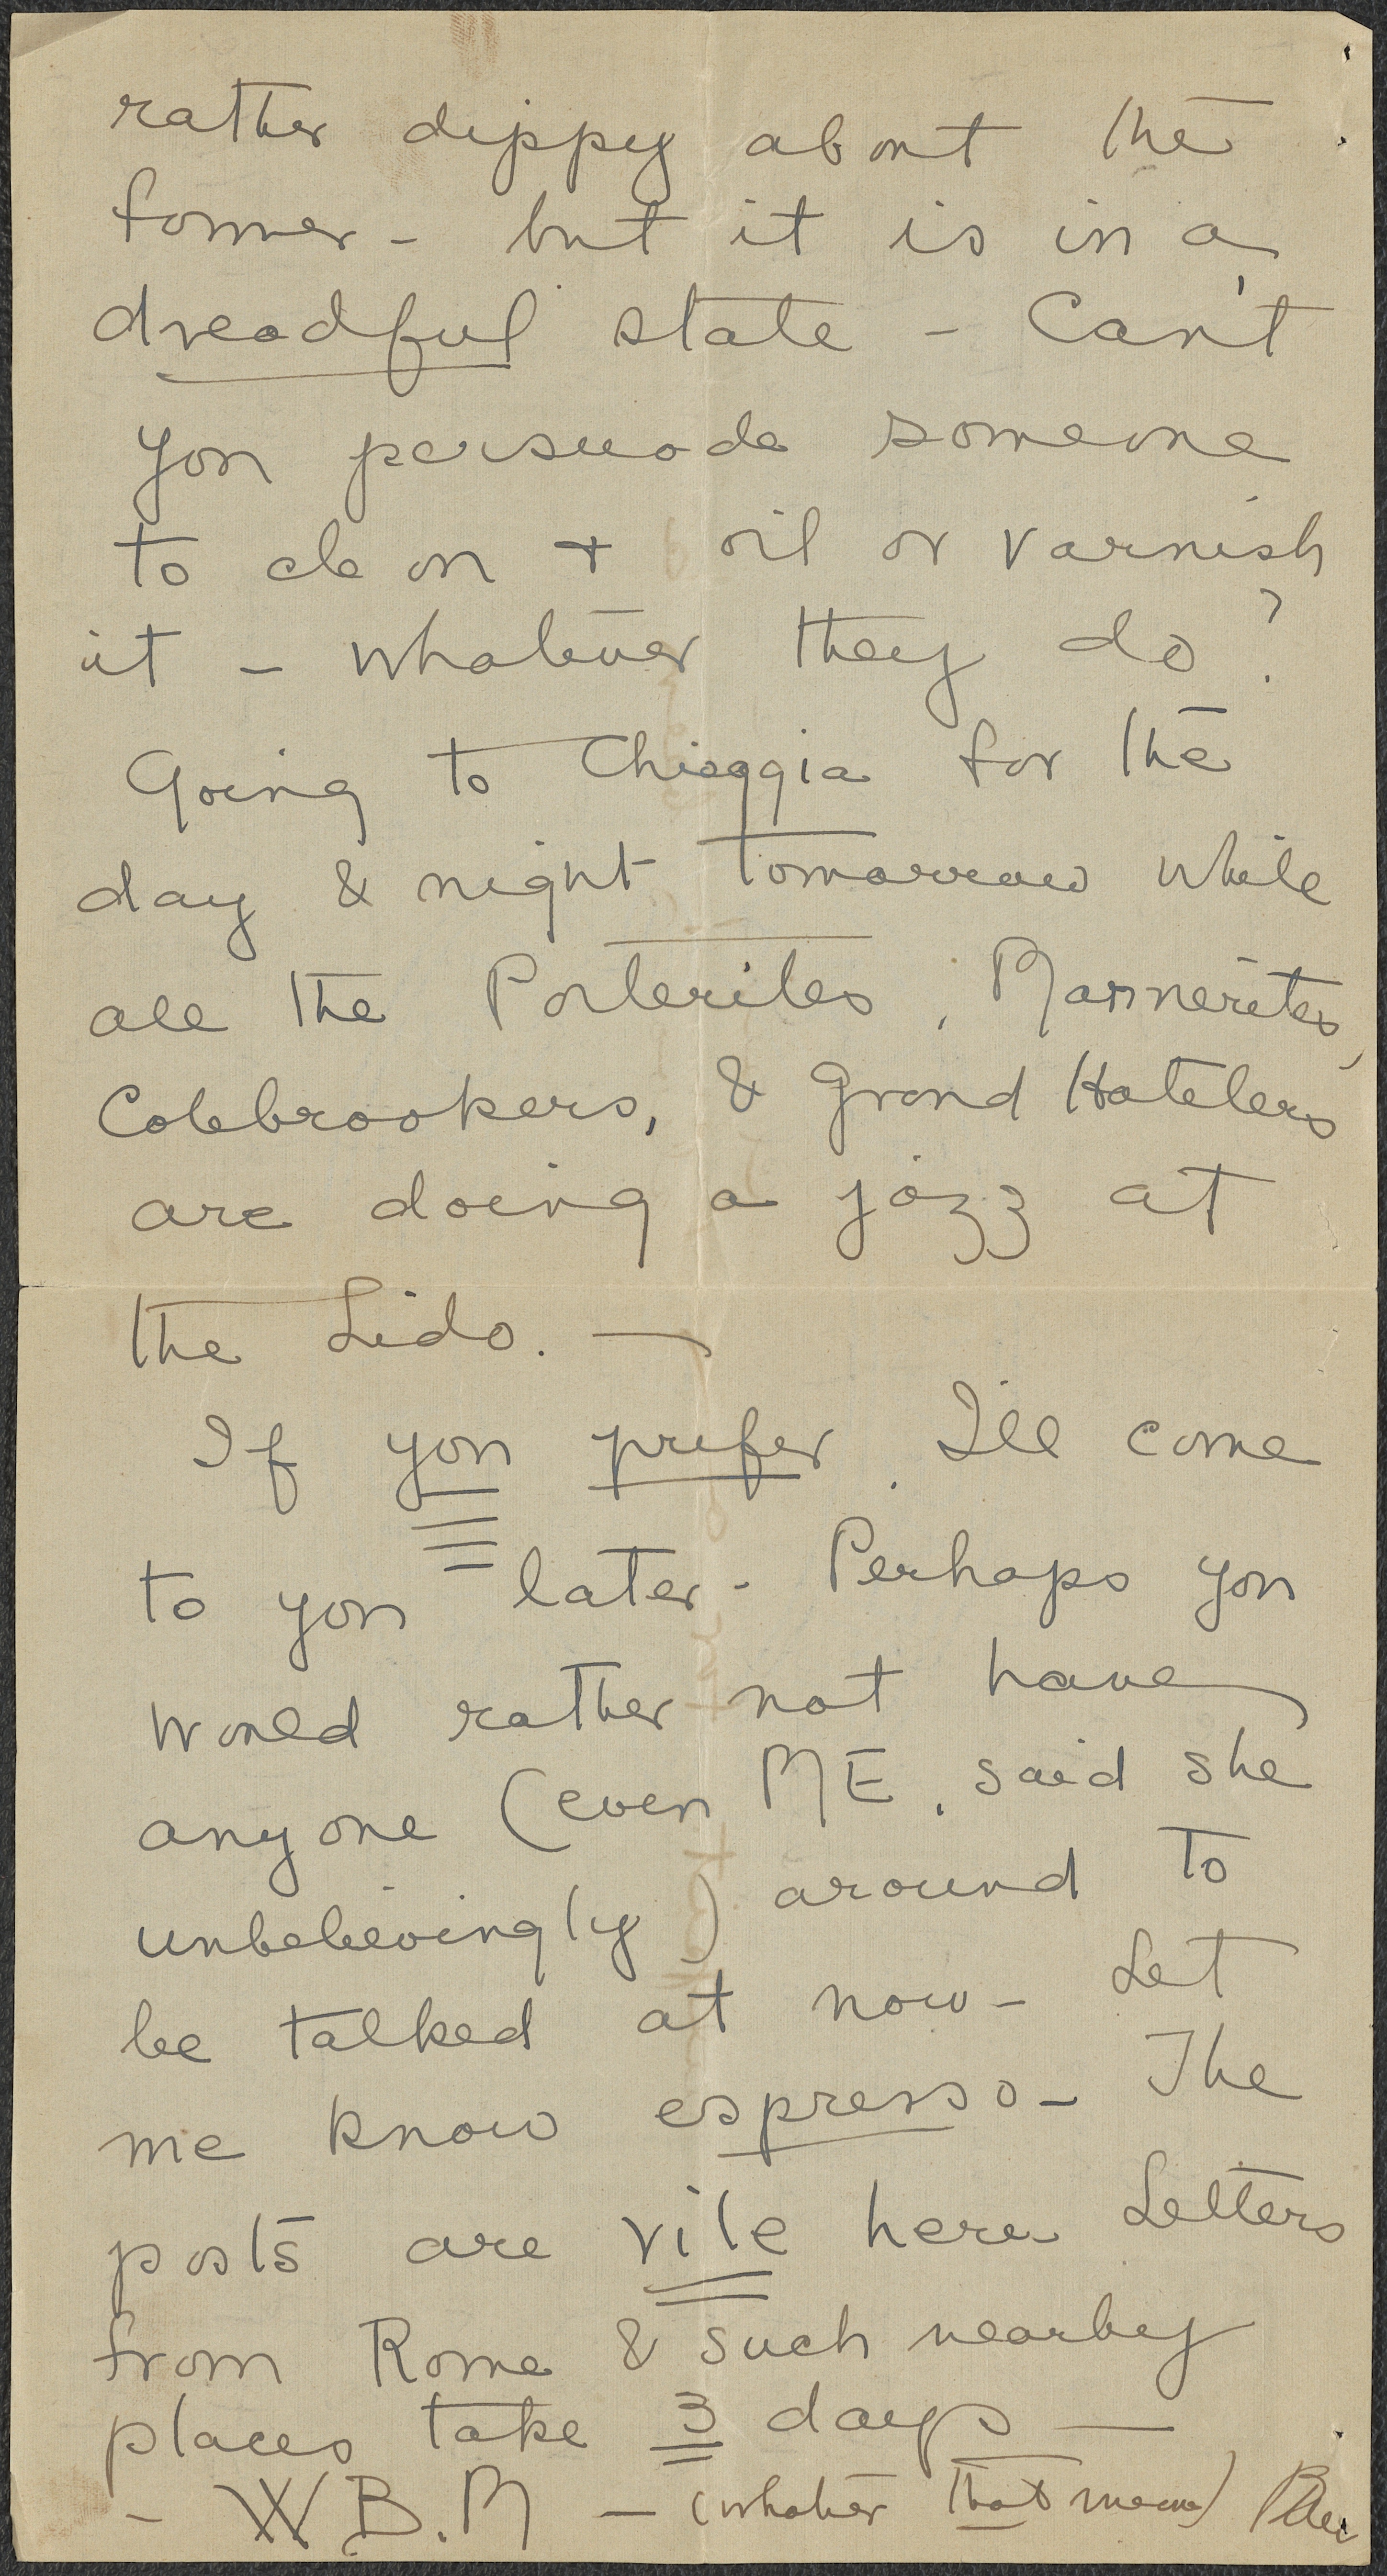rather dippy about the former – but it is in a dreadful state – Can’t you persuade someone to clean & oil or varnish it – whatever they do?
Going to Chioggia for the day & night tomorrow while all the Porterites, Mannerites, Colebrookers, & Grand Hotelers are doing a jazz at the Lido. –
If [quadruple underlined: you] prefer, I’ll come to you later – Perhaps you would rather not have anyone (even ME, said she unbelievingly) around to be talked at now – Let me know espresso – The posts are [double underlined: vile] here – Letters from Rome & such nearby places take [double underlined: 3] days –
– WB.M – (whatever that means) Belle